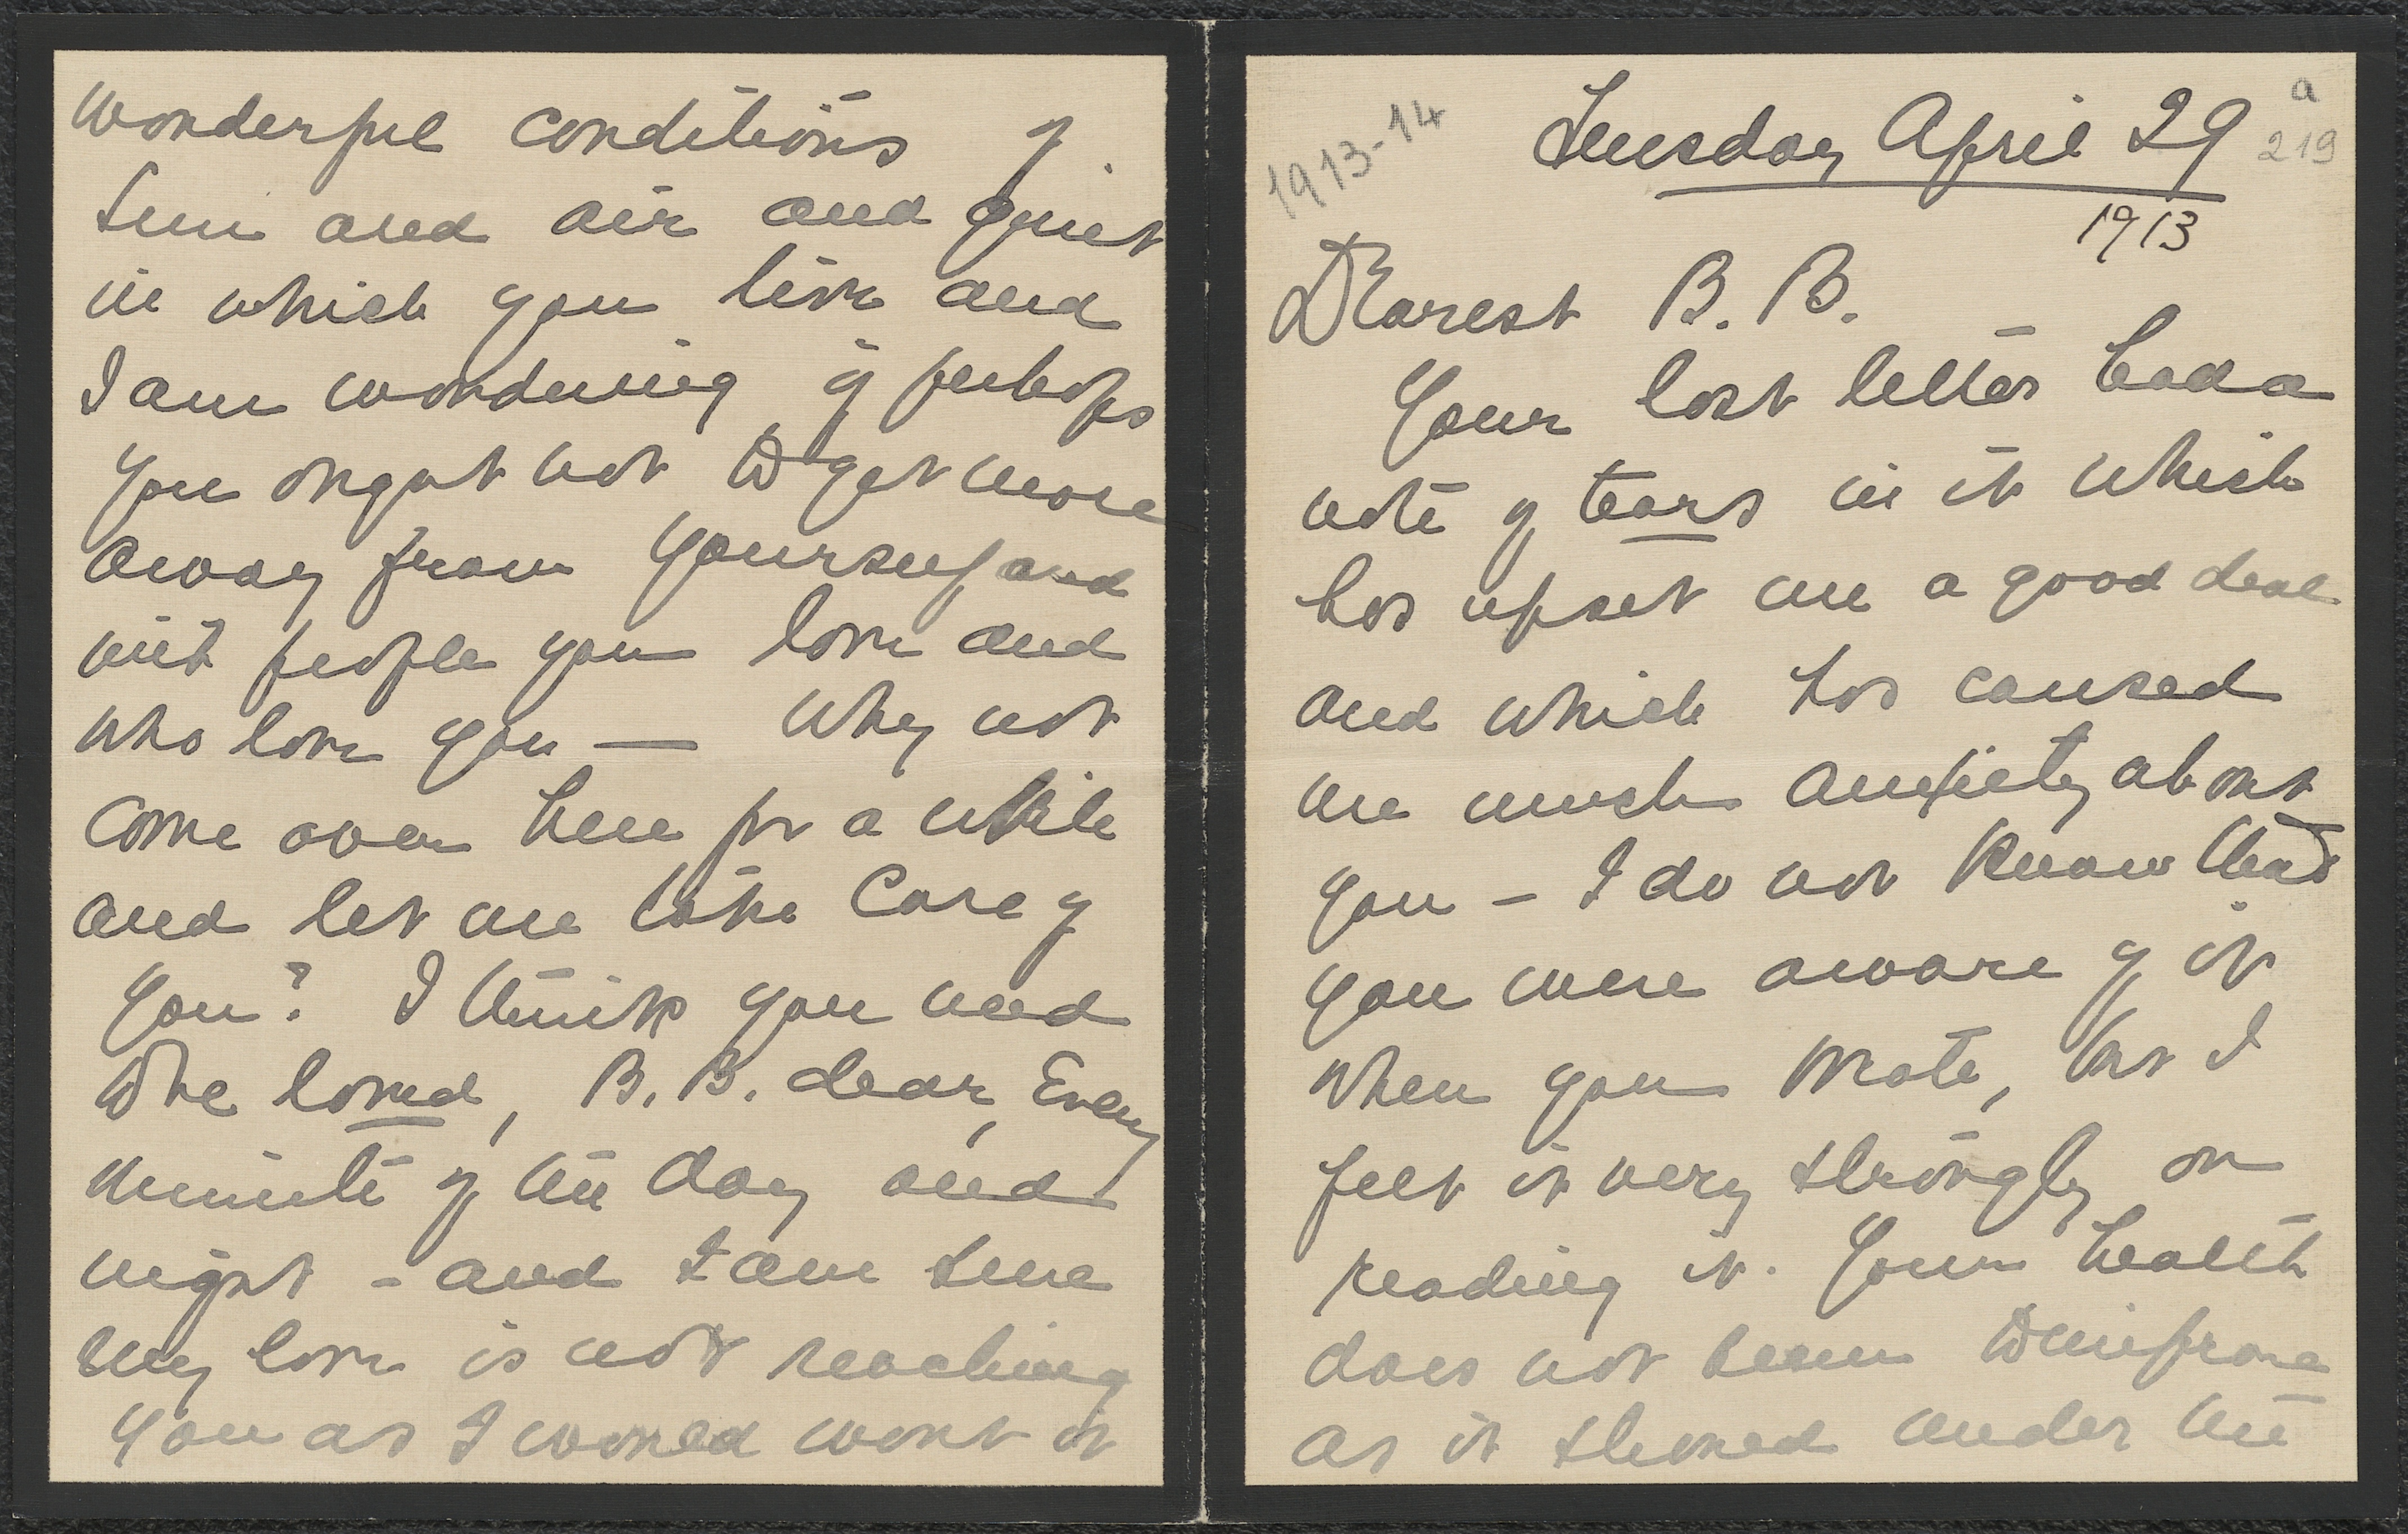Tuesday, April 29
Dearest B. B.
Your last letter had a note of tears in it which has upset me a good deal and which has caused me much anxiety about you – I do not know that you were aware of it when you wrote, but I felt it very strongly on reading it. Your health does not seem to improve as it should under the
wonderful conditions of sun and air and quiet in which you live and I am wondering if perhaps you ought not to get more away from yourself and with people you love and who love you – why not come over here for a while and let me take care of you? I think you need to be loved, B. B. dear, every minute of the day and night – and I am sure my love is not reaching you as I would want it